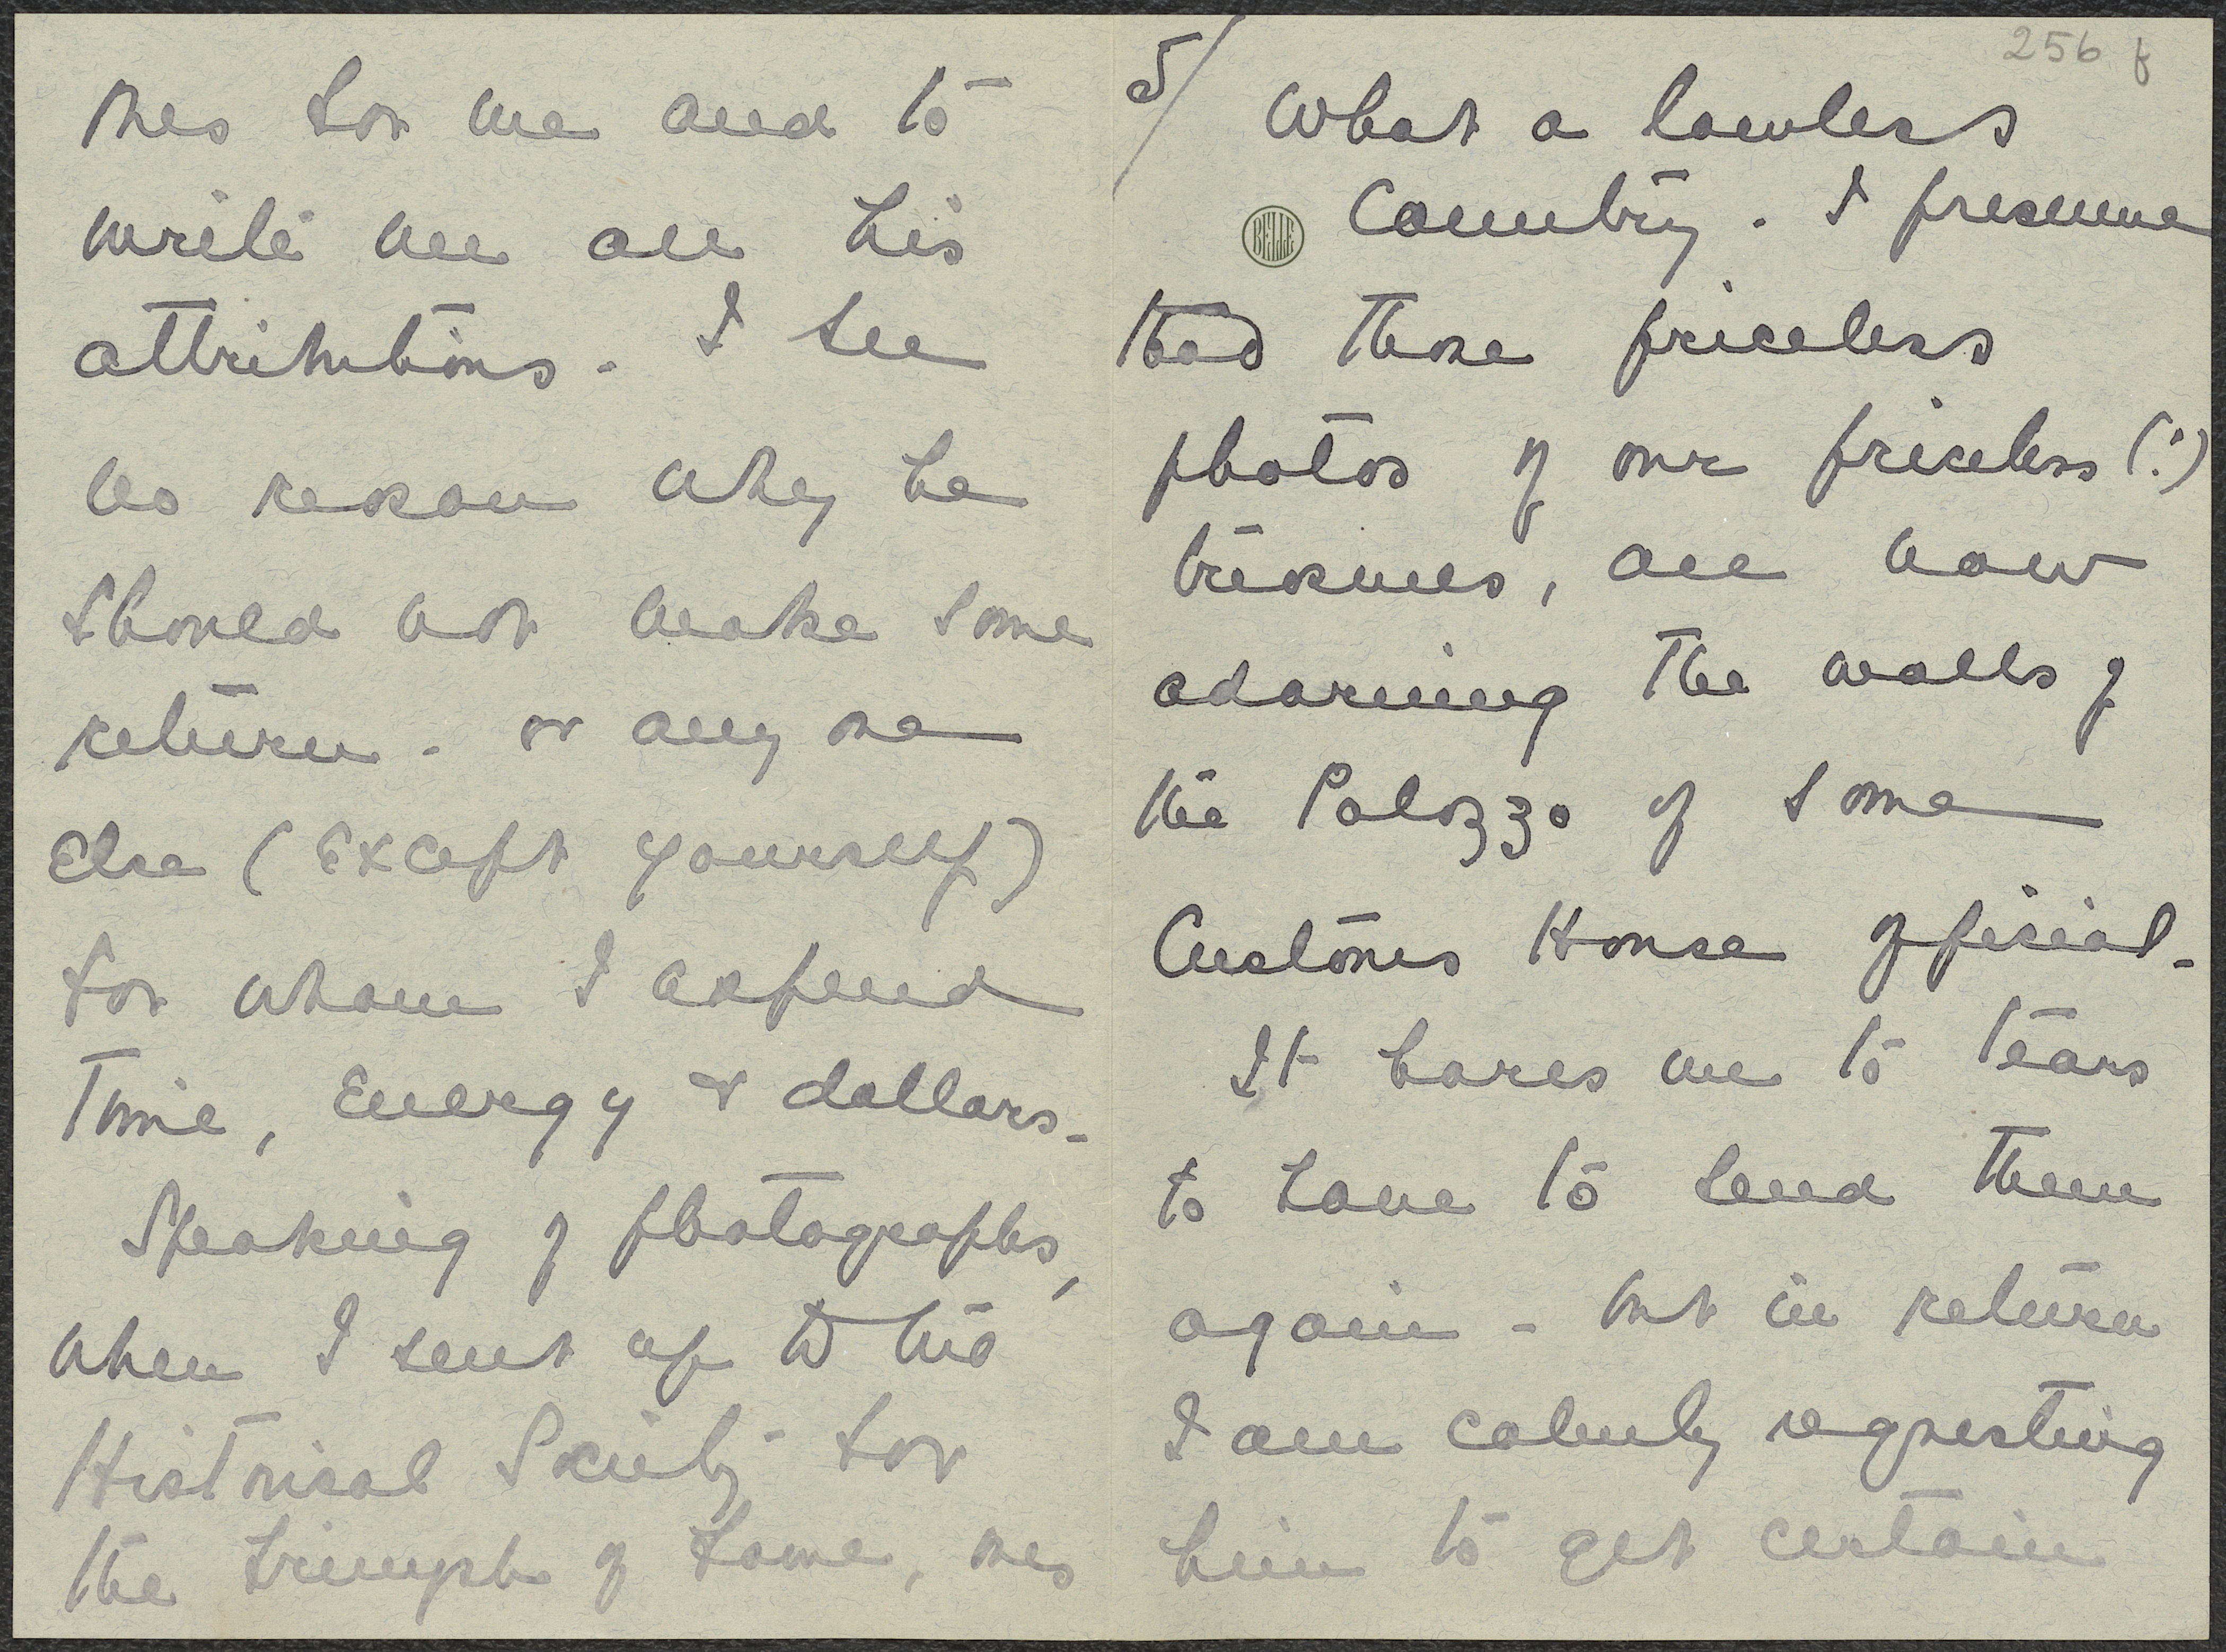5/
what a lawless country – I presume that these priceless photos of our priceless (?) treasures, are now adorning the walls of the Palazzo of some Customs House official – It bores me to tears to have to send them again – but in return I am calmly requesting him to get certain
ones for me and to write me all his attributions – I see no reason why he should not make some return – or any one else (except yourself) for whom I expend Time, energy & dollars –
Speaking of photographs, when I sent up to the Historical Society for the Triumph of Fame, ones